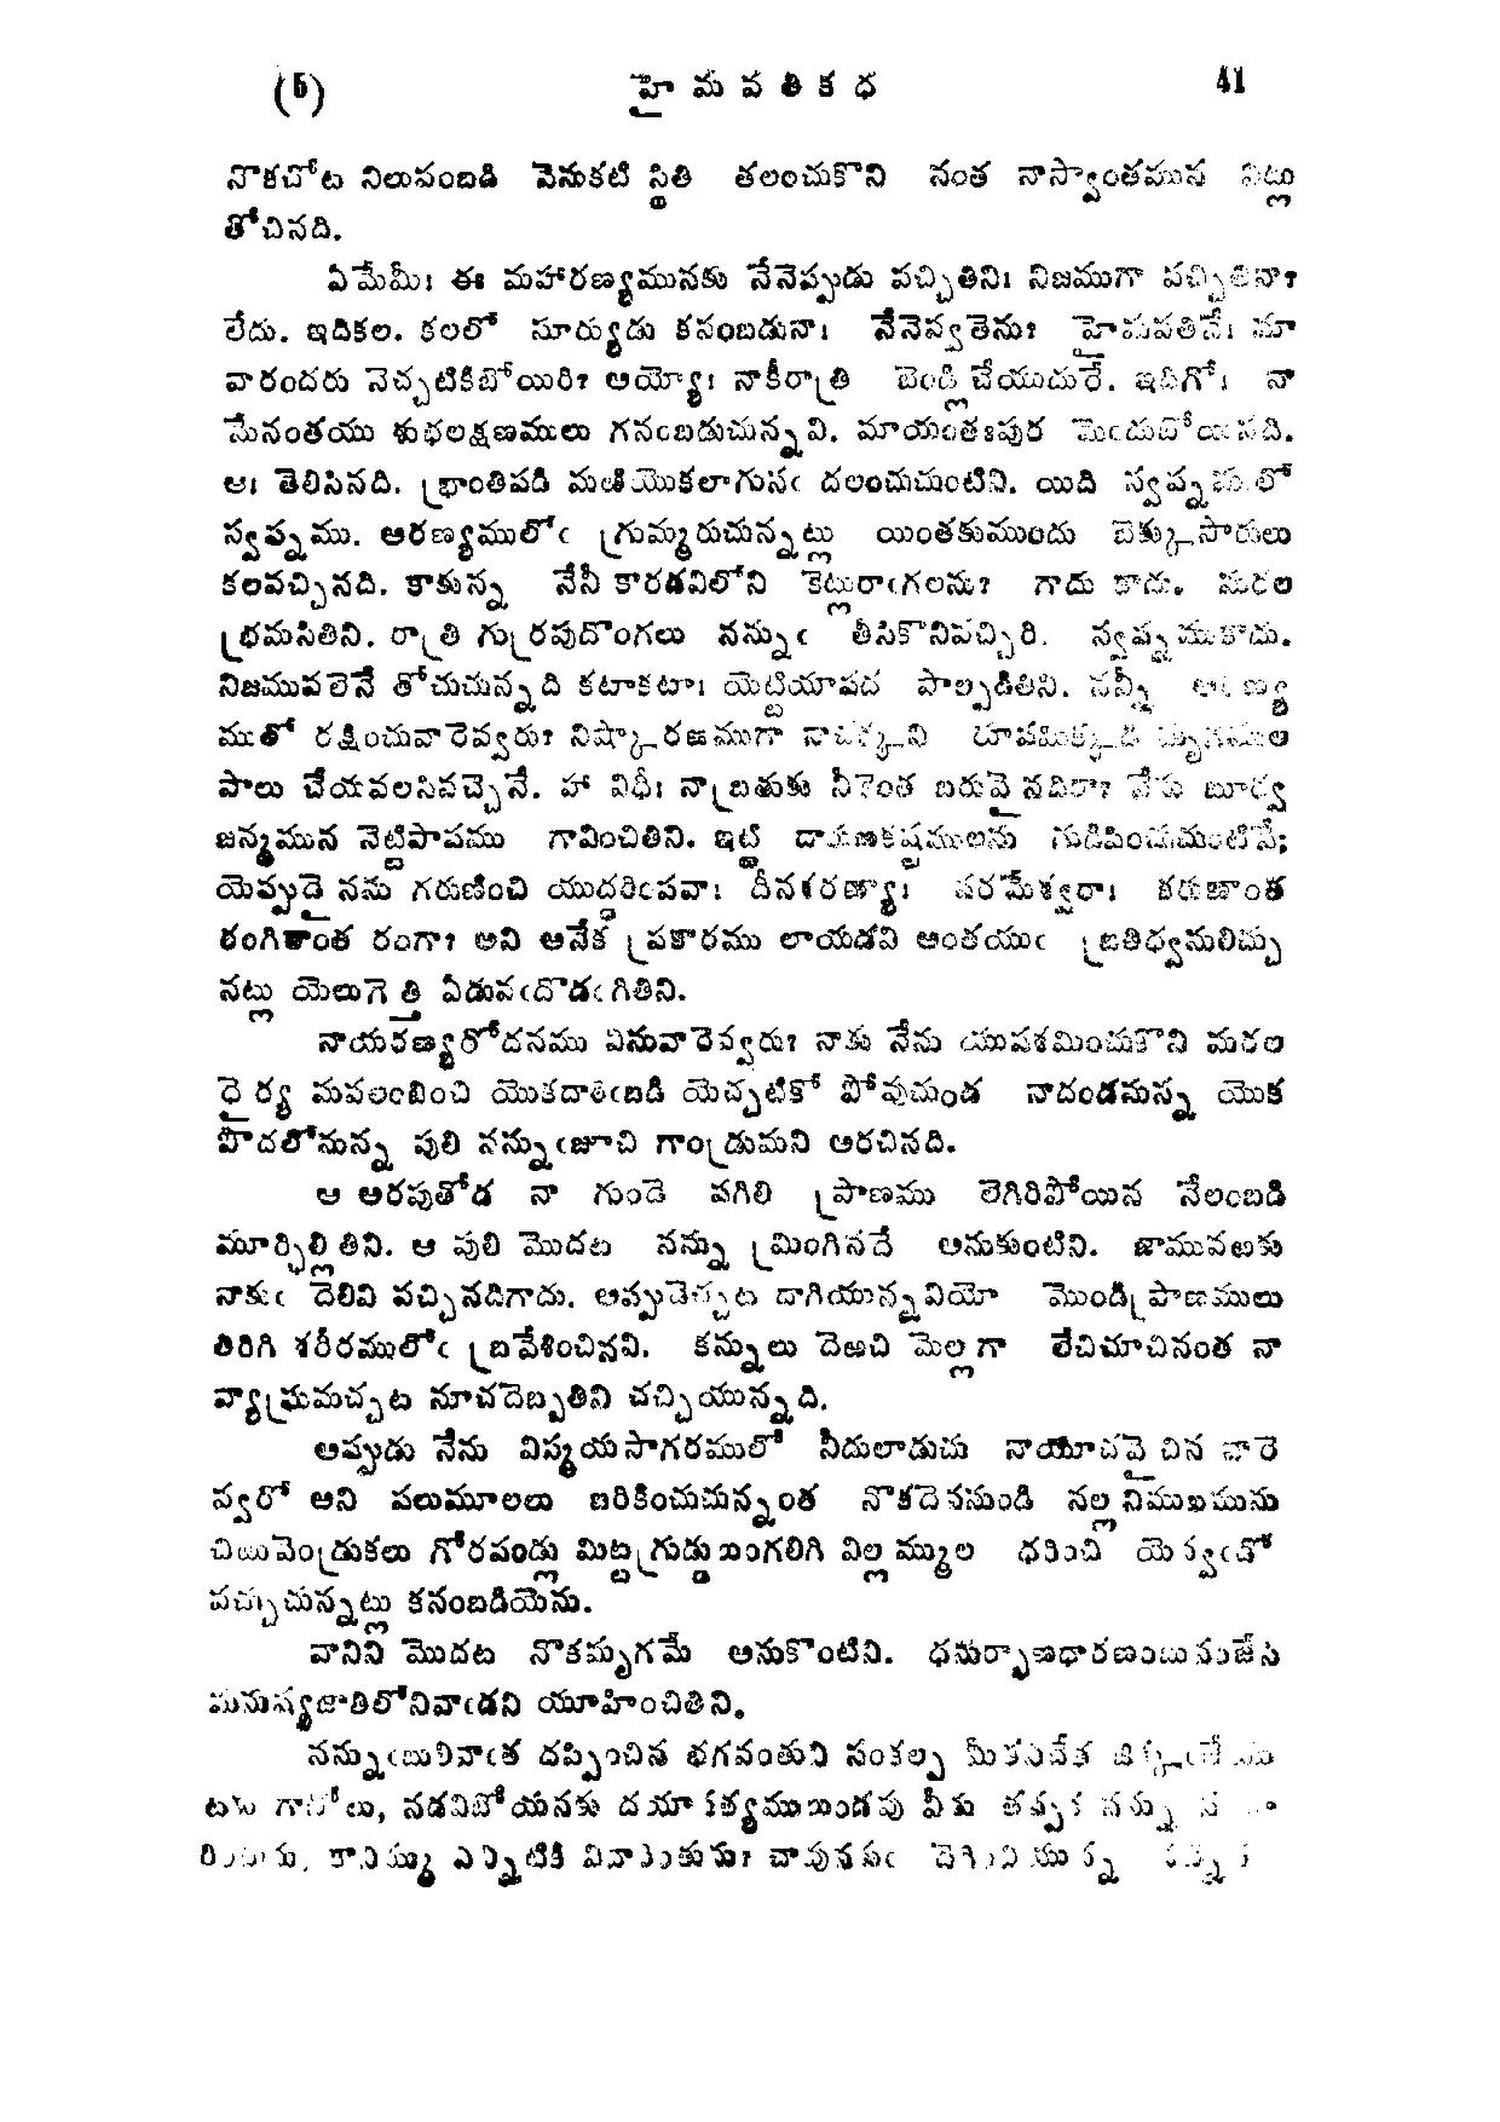నొకచోట నిలువంబడి వెనుకటి స్థితి తలంచుకొని నంత నాస్వాంతమున నిట్లు తోచినది.

ఏమేమీ! ఈ మహారణ్యమునకు నేనెప్పుడు వచ్చితిని! నిజముగా వచ్చితినా? లేదు. ఇదికల. కలలో సూర్యుడు కనంబడునా! నేనెవ్వతెను? హైమవతినే! మా వారందరు నెచ్చటికిబోయిరి? అయ్యో! నాకీరాత్రి బెండ్లి చేయుదురే. ఇదిగో! నా మేనంతయు శుభలక్షణములు గనంబడుచున్నవి. మాయంతఃపుర మెందుబోయినది. ఆ! తెలిసినది. భ్రాంతిపడి మఱియొకలాగునఁ దలంచుచుంటిని. యిది స్వప్నములో స్వప్నము. అరణ్యములోఁ గ్రుమ్మరుచున్నట్లు యింతకుముందు బెక్కుసారులు కలవచ్చినది. కాకున్న నేనీ కారడవిలోని కెట్లురాఁగలను? గాదు కాదు. మరల భ్రమసితిని. రాత్రి గుర్రపుదొంగలు నన్నుఁ తీసికొనివచ్చిరి. స్వప్నముకాదు. నిజమువలెనే తోచుచున్నది కటాకటా! యెట్టియాపద పాల్పడితిని. నన్నీ అరణ్యములో రక్షించువారెవ్వరు? నిష్కారణముగా నాచక్కని రూపమిక్కడి మృగముల పాలు చేయవలసివచ్చెనే. హా విధీ! నా బ్రతుకు నీకెంత బరువైనదిరా? నేను బూర్వజన్మమున నెట్టిపాపము గావించితిని. ఇట్టి దారుణకష్టములను గుడిపించుచుంటివే; యెప్పుడైనను గరుణించి యుద్ధరింపవా! దీనశరణ్యా! పరమేశ్వరా! కరుణాంతరంగితాంతరంగా అని అనేక ప్రకారము లాయడవి అంతయుఁ బ్రతిధ్వనులిచ్చు నట్లు యెలుగెత్తి ఏడువఁదొడంగితిని.

నాయరణ్యరోదనము వినువారెవ్వరు? నాకు నేను యుపశమించుకొని మరల ధైర్య మవలంబించి యొకదారిఁబడి యెచ్చటికో పోవుచుండ నాదండనున్న యొక పొదలోనున్న పులి నన్నుఁజూచి గాండ్రుమని అరచినది.

ఆ అరపుతోడ నా గుండె పగిలి ప్రాణము లెగిరిపోయిన నేలంబడి మూర్ఛిల్లితిని. ఆ పులి మొదట నన్ను మ్రింగినదే అనుకుంటిని. జామువఱకు నాకుఁ దెలివి వచ్చినదిగాదు. అప్పుడెచ్చట దాగియున్నవియో మొండిప్రాణములు తిరిగి శరీరములోఁ బ్రవేశించినవి. కన్నులు దెఱచి మెల్లగా లేచిచూచినంత నా వ్యాఘ్ర మచ్చట నూచదెబ్బతిని చచ్చియున్నది.

అప్పుడు నేను విస్మయసాగరములో నీదులాడుచు నాయూచవైచినవా రెవ్వరో అని పలుమూలలు బరికించుచున్నంత నొకదెసనుండి నల్లనిముఖమును చిఱువెండ్రుకలు గోరపండ్లు మిట్టగ్రుడ్డులుంగలిగి విల్లమ్ముల ధరించి యెవ్వఁడో వచ్చుచున్నట్లు కనంబడియెను.

వానిని మొదట నొకమృగమే అనుకొంటిని. ధనుర్బాణధారణంబునంజేసి మనుష్యజాతిలోనివాఁడని యూహించితిని.

నన్నుఁ బులివాఁత దప్పించిన భగవంతుని సంకల్ప మీతనిచేత జిక్కఁజేయుటకు గాబోలు, 
నడవిబోయనకు దయాపత్యములుండవు వీడు తప్పక నన్ను సంహరించును. కానిమ్ము ఎన్నిటికి విచారింతును? చావునకుఁ దెగించియున్న నన్నెవ